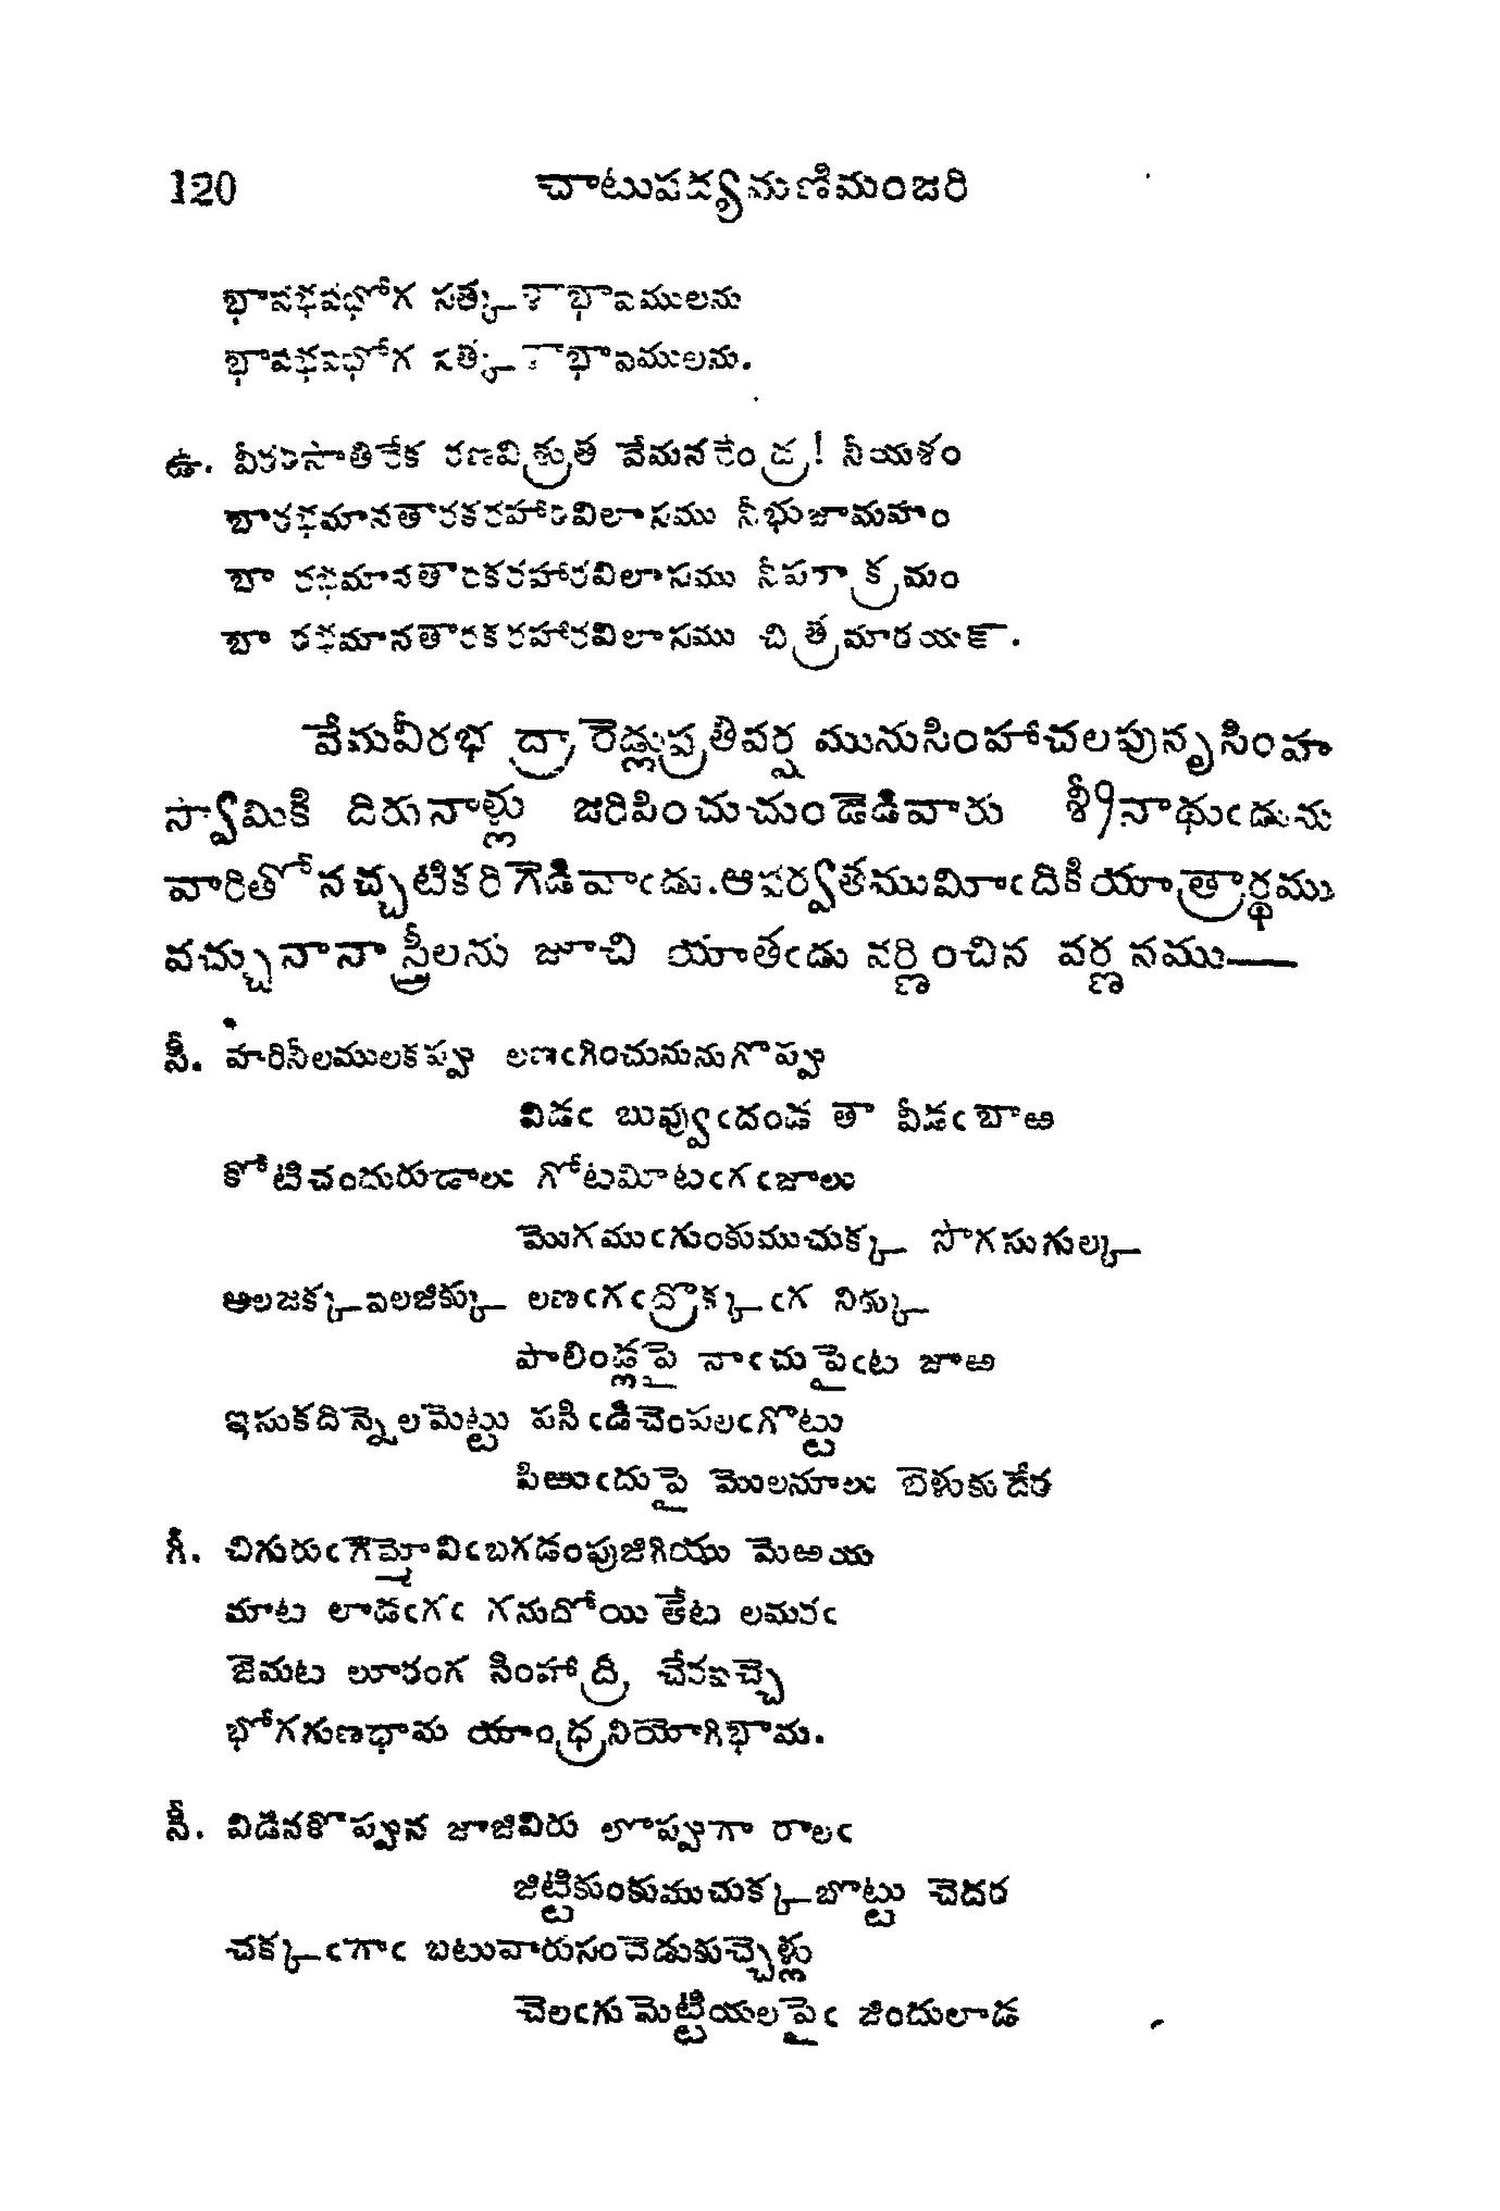భావభవభోగసత్కళాభావములను
 భావభవభోగసత్కళాభావములను.
ఉ. వీరరసాతిరేక రణవిశ్రుత! వేమనరేంద్ర! నీయశం
 బారభమానతారకరహారవిలాసము నీ భుజామహం
 బారభమానతారకరహారవిలాసము నీపరాక్రమం
 బారభమానతారకరహారవిలాసము చిత్ర మారయన్.
వేమవీరభద్రారెడ్లు ప్రతివర్షమును సింహాచలపునృసింహస్వామికిఁ దిరునాళ్ళు జరిపించుచుండెడివారు. శ్రీనాథుఁడును వారితో నచ్చటి కరిగెడివాఁడు. ఆపర్వతముమీఁదికి యాత్రార్థము వచ్చు నానాస్త్రీలను జూచి యాతఁడు వర్ణించిన వర్ణనము—
సీ. హరినీలములకప్పు లణగించు నునుకొప్పు
 విడఁ బువ్వుదండ తా వీడఁబాఱ
 కోటిచందురుడాలు గోటుమీటఁగఁ జాలు
 మొగముఁ గుంకుముచుక్క సొగసు గుల్క
 అలజక్కవలజిక్కు లణఁగఁద్రొక్కఁగ నిక్కు
 పాలిండ్లపై నాఁచుపైట జాఱ
 ఇసుకతిన్నెలమెట్టు పసిఁడిచెంపలఁగొట్టు
 పిఱుఁదుపై మొలనూలు బెళుకుదేర
తే. చిగురుఁగెమ్మోవిఁ బగడంపు బిగియు మెఱయ
 మాట లాడఁగఁ గనుదోయితేట లమరఁ
 జెమట లూరంగ సింహాద్రి చేరవచ్చె
 భోగగుణధామ యాంధ్రనియోగిభామ.
సీ. విడినకొప్పున జాజివిరు లొప్పుగా రాలఁ
 జిట్టికుంకుముచుక్కబొట్టు చెదర
 చక్కఁగాఁ బటువారుసందెడుకుచ్చెళ్ళు
 చెలఁగు మెట్టియలపైఁ జిందులాడ